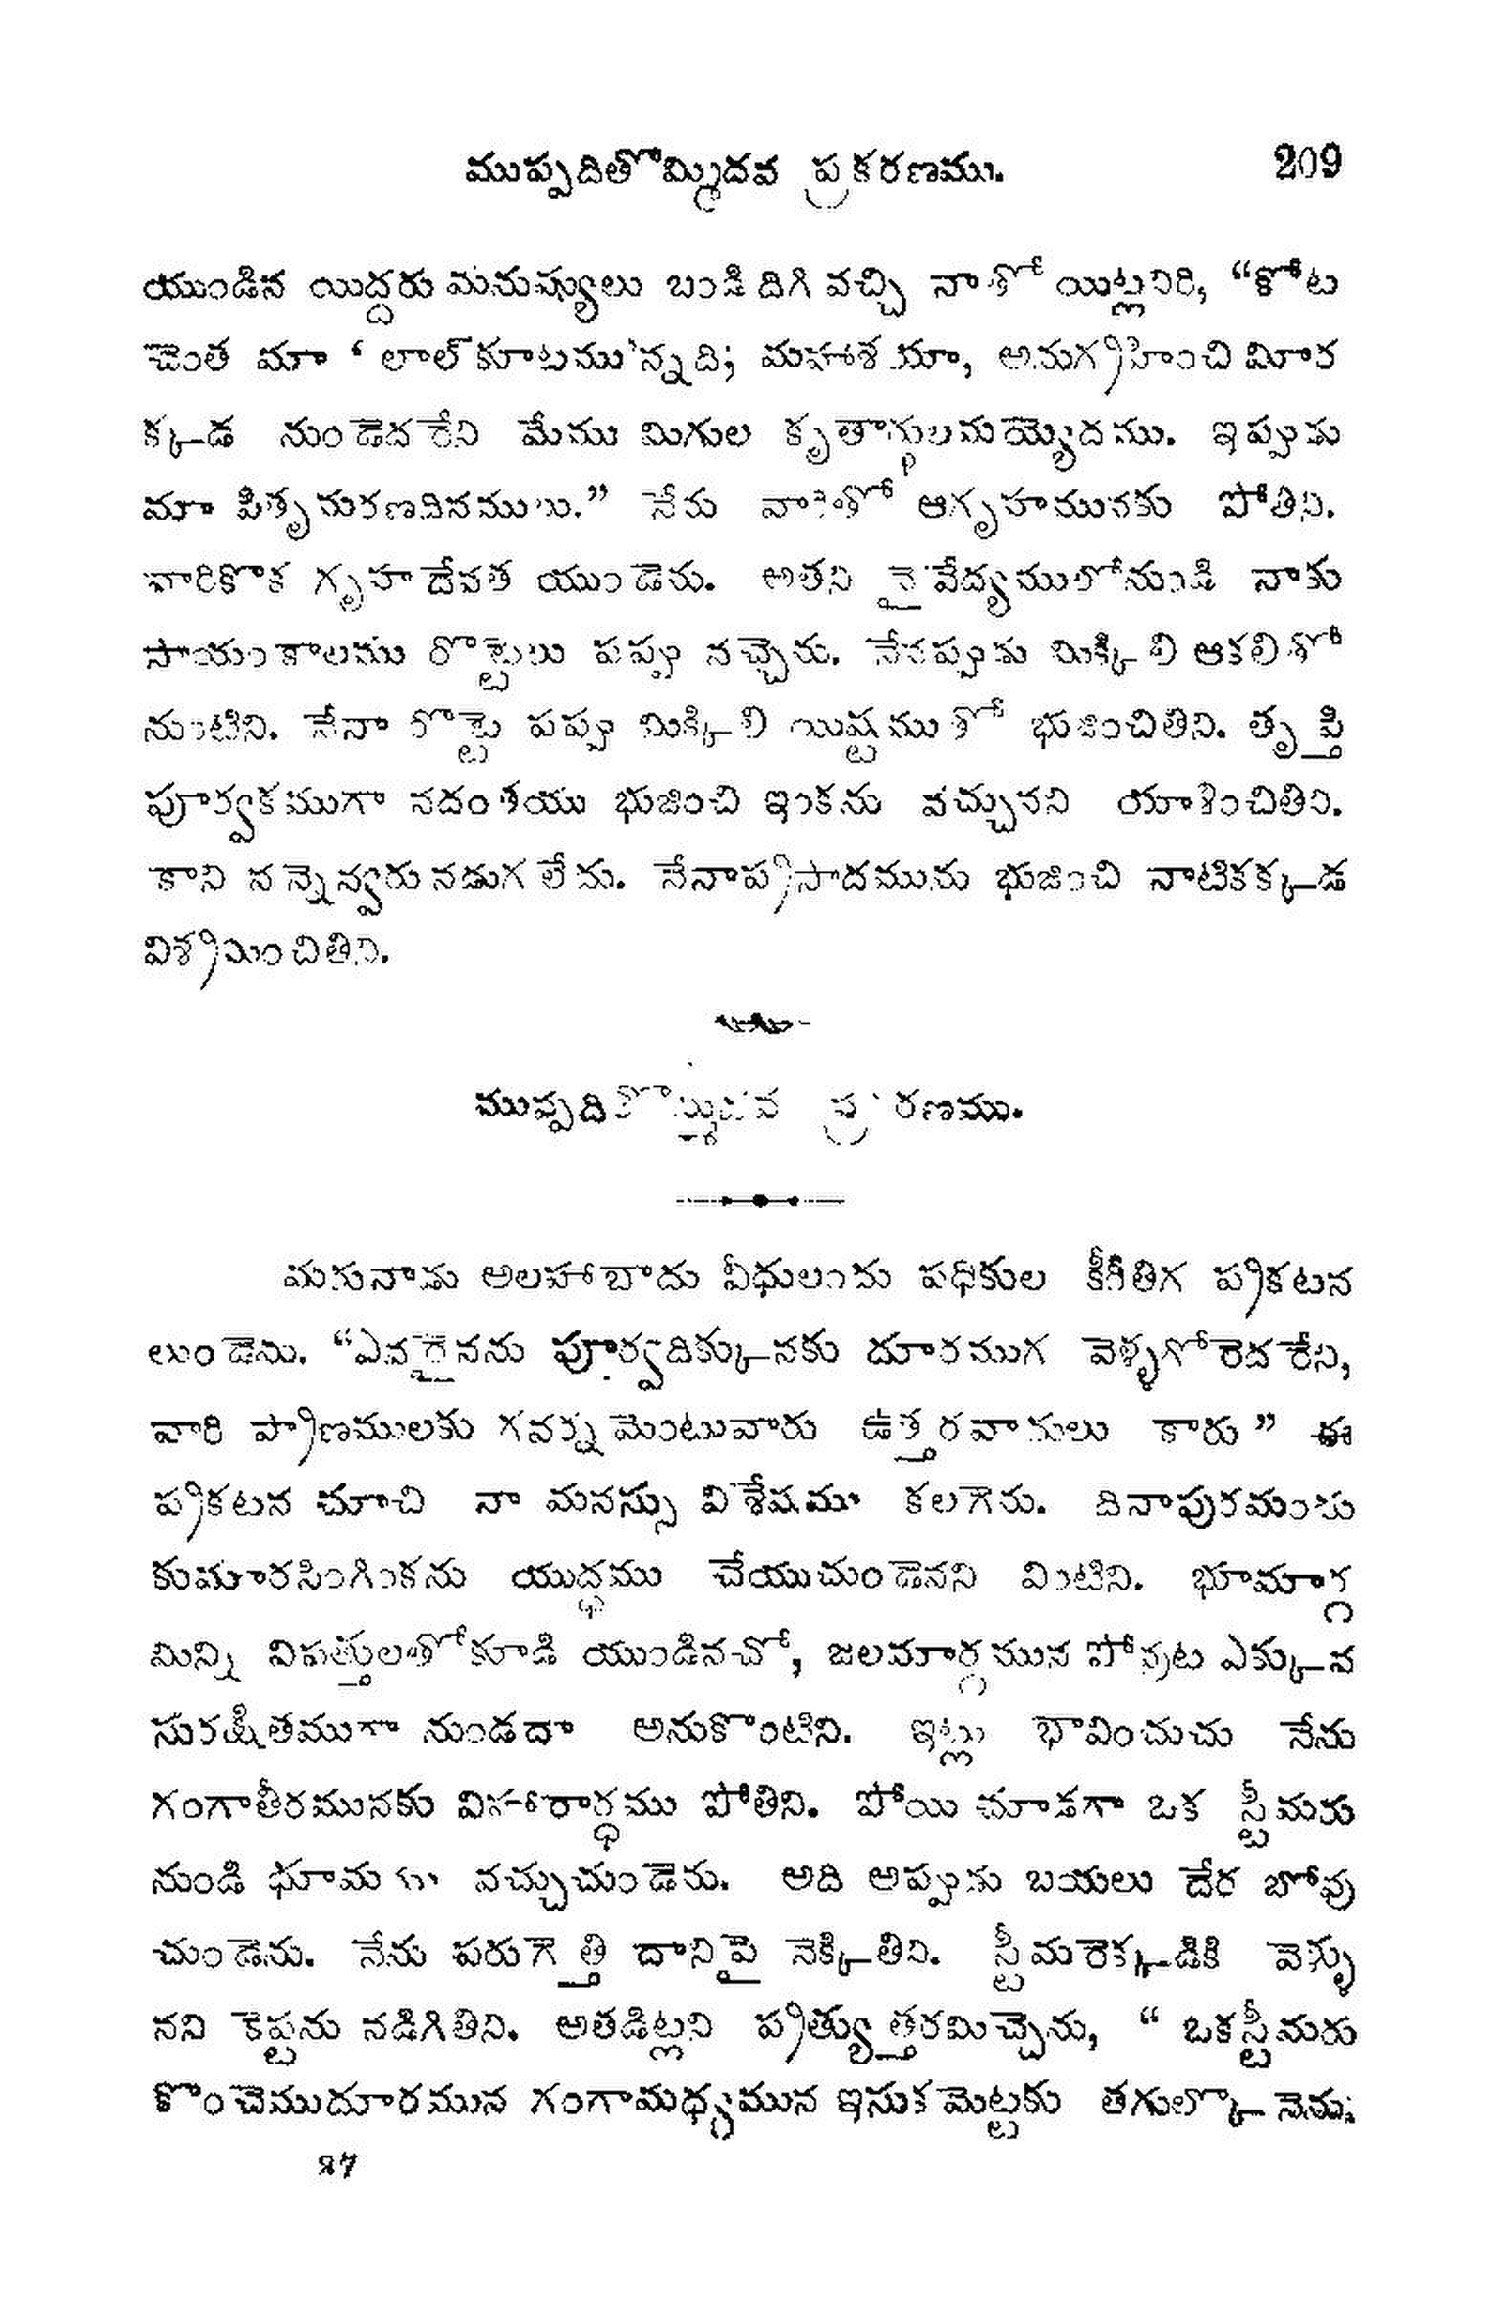యుండిన యిద్దరు మనుష్యులు బండి దిగి వచ్చి నాతో యిట్ల విరి, “కోట
చెంత మా ' లాల్ కూటము'న్నది; మహాశయా, అనుగ్రహించి మీర
క్కడ నుండెద రేవి మేము మిగుల కృతార్దులమయ్యెదము. ఇప్పుడు
మా పితృ మురణదినములు.” నేను వారితో ఆగృహమునకు పోతిని.
వారికొక గృహ దేవత యుండెను. అతని నైవేద్యములోనుండి... నాకు
సాయంకాలము రొట్టెలు పప్పు వచ్చెరు. నేనప్పుడు మిక్కిలి ఆకలితో
నుంటిని, నేనారొట్టె పప్పు మిక్కిలి యిష్టముతో భుజించితిని. తృప్తి
పూర్వకముగా నదంతయు భుజించి ఇకను వచ్చునని యాసించితిని.
కాని న న్నెన్వరు నడుగ లేదు. నేనాప్రసాదమును భుజించి నాటికక్కడ
విశ్రయించితిని

..

మరు నాడు అలహా బాదు వీధులందు పథికుల కీరీతీగ ప్రకటన
లుండెను. “ఎ.వరైనను పూర్వదిక్కునకు దూరముగ వెళ్ళగోరెద రేని,
వారి ప్రాణములకు గవర్న మొంటువారు ఉత్తరవాదులు కారు " ఈ
ప్రకటన చూచి నా మనస్సు విశేషము కలగెను. దినాపురమందు
కుమారసింగికను యుద్ధము చేయుచుండెనని వింటిని. భూమార్గ
మన్ని విపత్తులతో కూడి యుండినచో, జలమార్గమున పోవుట 
ఎక్కువ సురక్షితముగా నుండదా అనుకొంటిని.ఇట్లు భావించుచు 
నేను గంగాతీరమునకు విహారార్ధము పోతిని. పోయి చూడగా ఒక స్టీమకు
నుండి థూమము వచ్చుచుండెను. అది అప్పుడు బయలు దేర బోవు
చుండెను. నేను పరుగెత్తి దాని పై నెక్కితిని. స్టీమరెక్కడికి వెళ్ళు
నని కెప్టను నడిగితిని. అతడిట్లని ప్రత్యుత్తరమిచ్చెను, “ ఒక స్టీమరు
కొంచెము దూరమున గంగా మధ్యమున ఇసుక మెట్టకు తగుల్కొనెను.